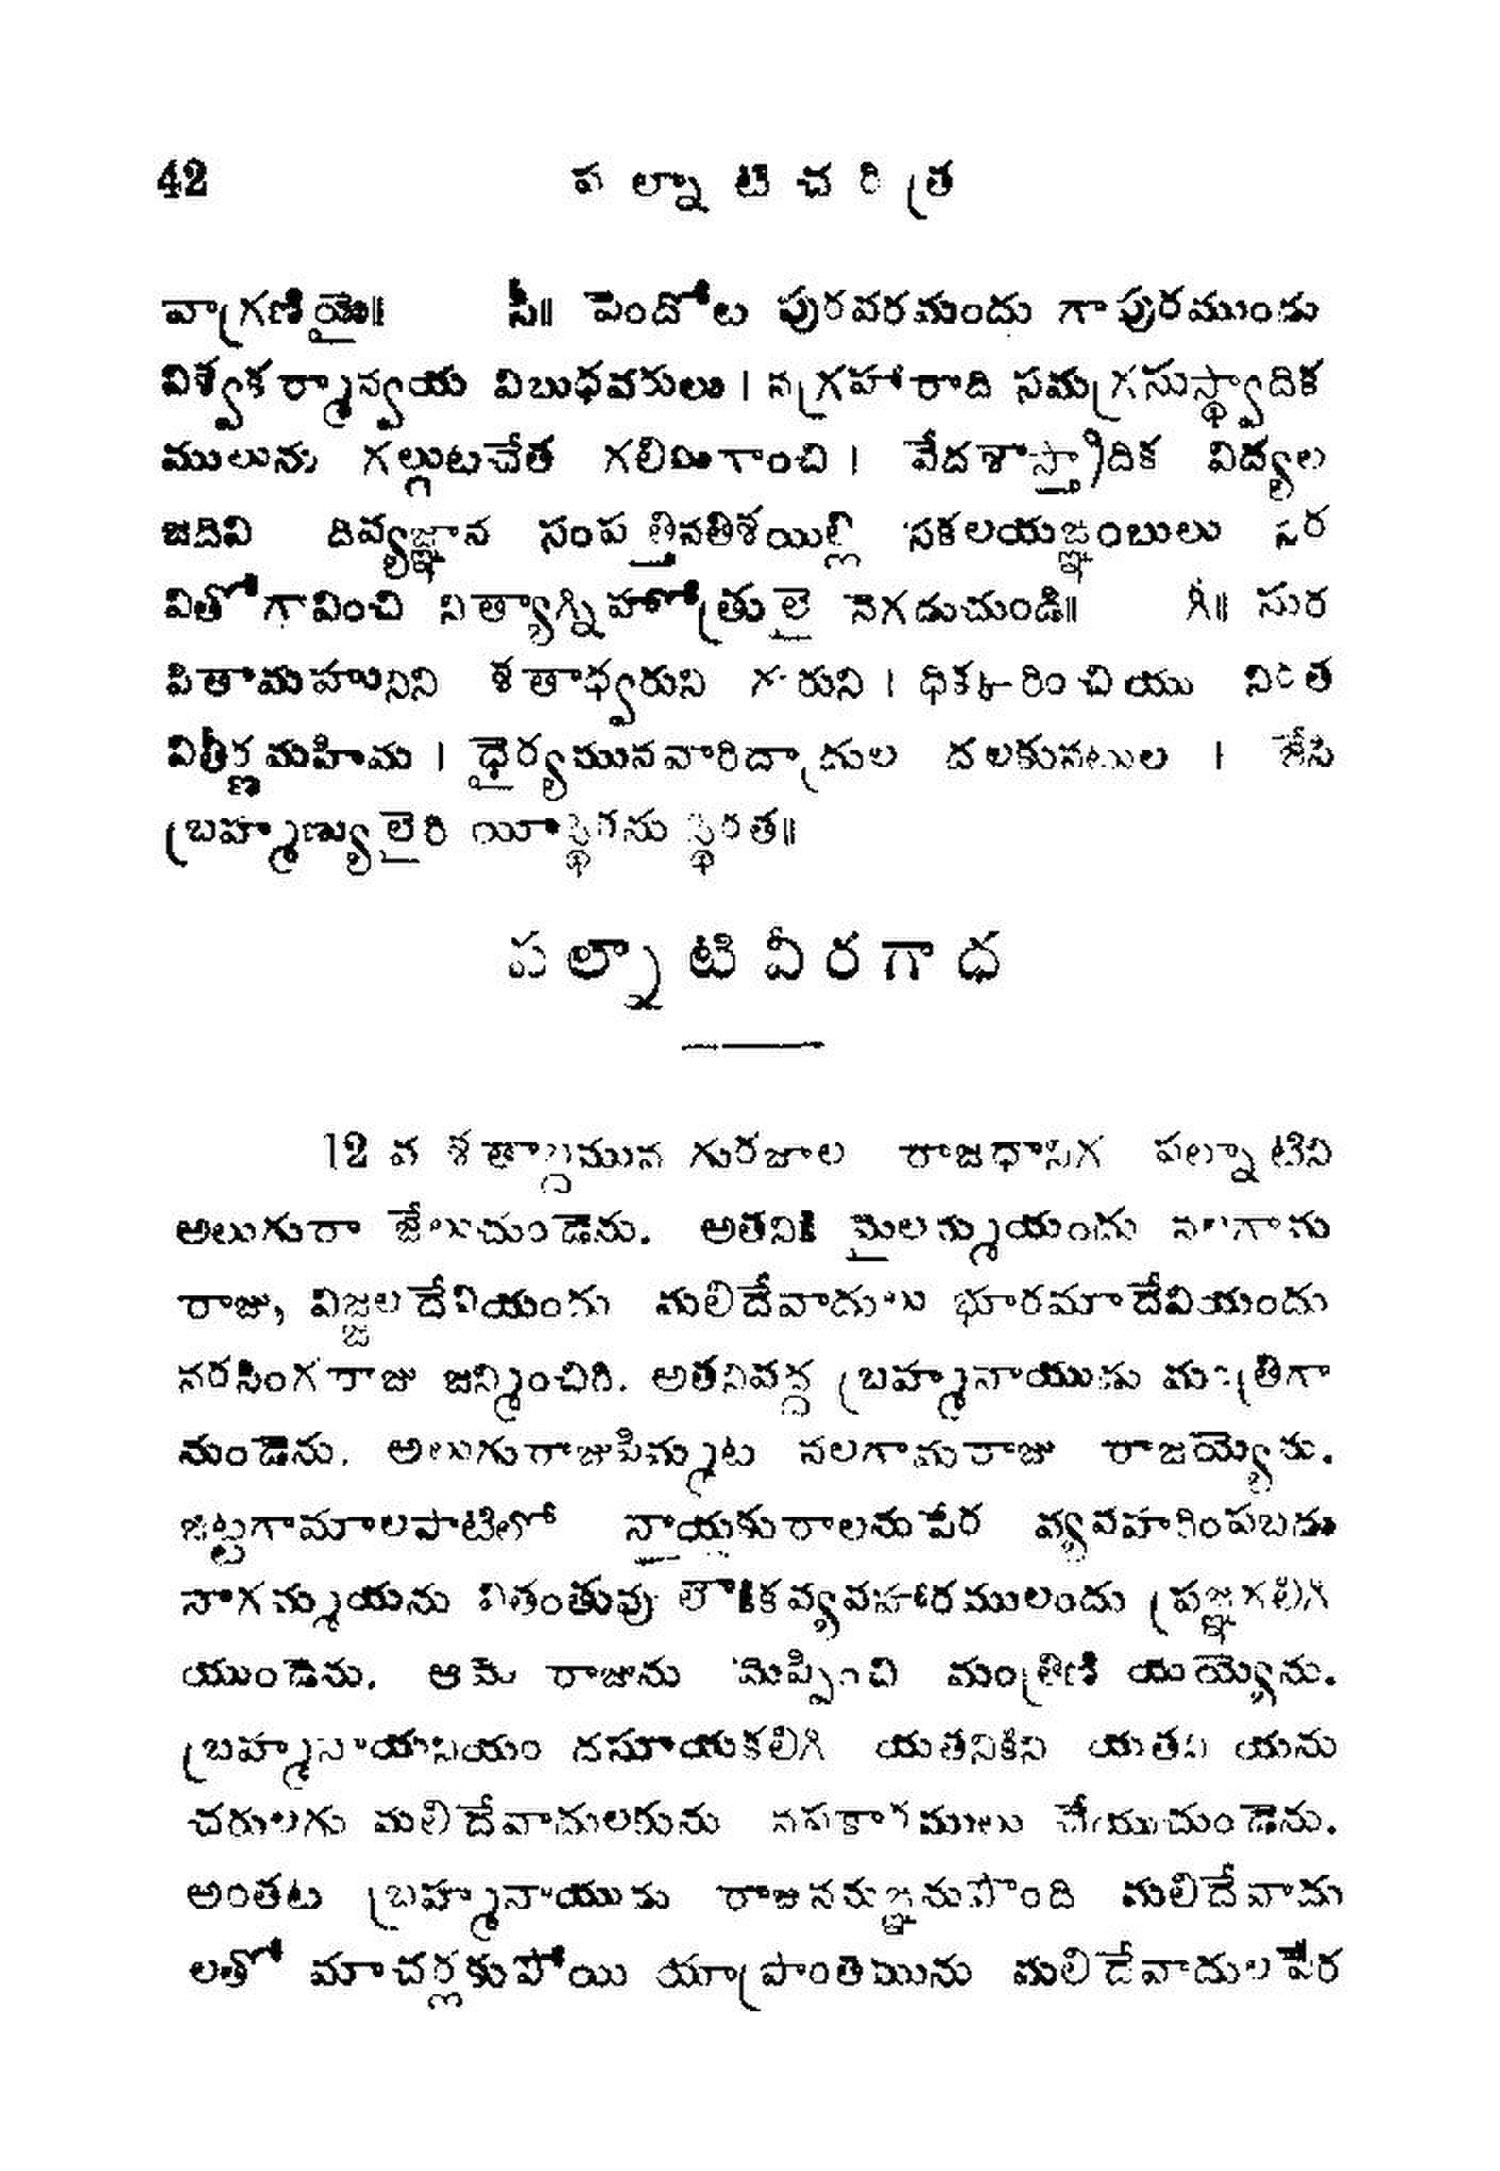వాగ్రణియై| 

సీ॥ పెందోట పురవరమందు గాపురముండు
 విశ్వకర్మాన్వయ విబుధవరులు | 
 నగ్రహారాది సమగ్రసుస్థ్వాదిక
 ములును గల్గుటచేత గలిమిగాంచి | 
 వేదశాస్త్రాదిక విద్యల జదివి ది
 వ్యజ్ఞాన సంపత్తినతిశయిల్లి 
 సకలయజ్ఞంబులు సరవితో గావించి 
 నిత్యాగ్నిహోత్రులై నెగడుచుండి
 
గీ॥ సుర పితామహునిని శతాధ్వరుని గురుని | 
 ధిక్కరించియు నిరతవితీర్ణ మహిమ | 
 ధైర్యమున వారిదాద్రుల దలకునటుల | 
 జేసి బ్రహ్మణ్యులైరి యీస్థిరను స్థిరత.
 

12 వ శతాబ్దమున గురజాల రాజధానిగ పల్నాటిని
అలుగురా జేలుచుండెను. అతనికి మైలమ్మయందు నలగామ 
రాజు, విజ్జల దేవియందు మలిదేవాదులు భూరమాదేవియందు
నరసింగరాజు జన్మించిరి . అతనివద్ద బ్రహ్మనాయుడు మంత్రిగా
నుండెను. అలుగురాజుపిమ్మట నలగామరాజు రాజయ్యెను.
జిట్టగామాలపాటిలో నాయకురాలను పేర వ్యవహరింపబడు
నాగమ్మయను వితంతువు లౌకిక వ్యవహారములందు ప్రజ్ఞగలిగి
యుండెను. ఆమె రాజును 'మెప్పించి మంత్రిణి యయ్యెను.
బ్రహ్మనాయనియం దసూయ కలిగి యతనికిని యతని యను
చరులగు మలిదేవాదులకును నపకారములు చేయుచుండెను.
అంతట బ్రహ్మనాయుడు రాజుననుజ్ఞ ముపొంది మలిదేవాదు
లతో మాచర్లకుపోయి యా ప్రాంతమును మలిదేవాదుల పేర